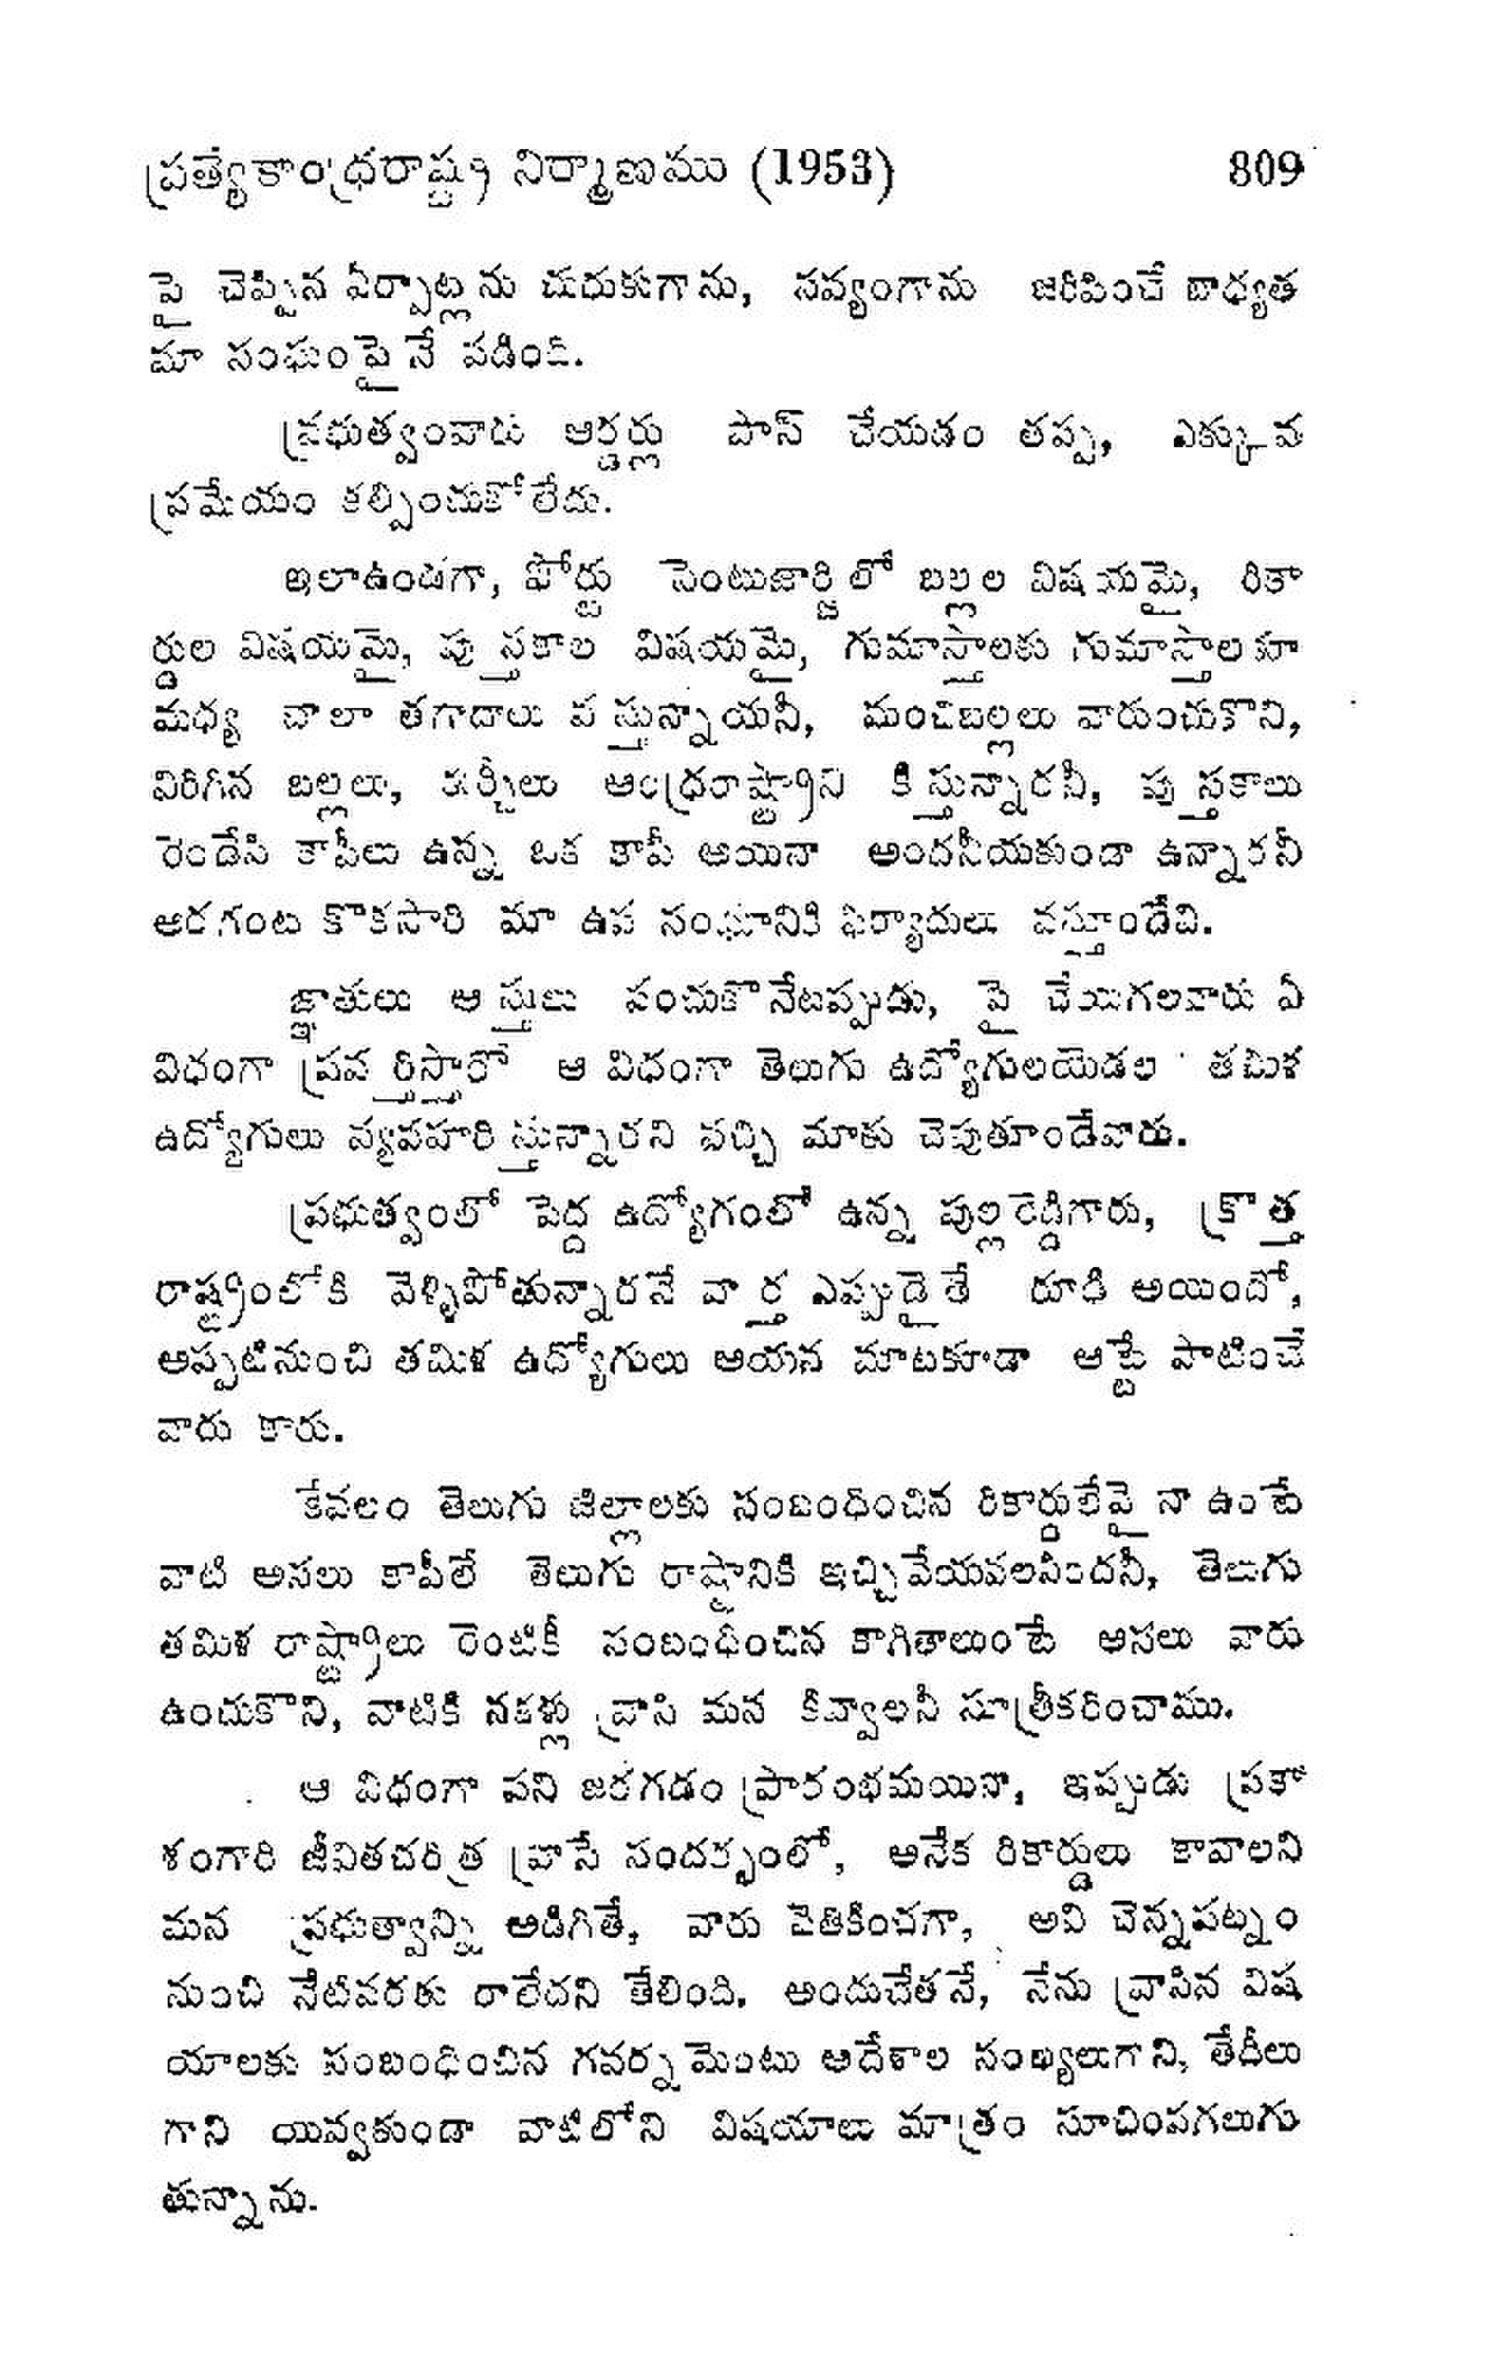పై చెప్పిన ఏర్పాట్లను చురుకుగాను, సవ్యంగాను జరిపించే బాధ్యత మా సంఘంపైనే పడింది.

ప్రభుత్వంవారు ఆర్డర్లు పాస్ చేయడం తప్ప, ఎక్కువ ప్రమేయం కల్పించుకోలేదు.

ఇలాఉండగా, పోర్టు సెంటుజార్జిలో బల్లల విషయమై, రికార్డుల విషయమై, పుస్తకాల విషయమై, గుమస్తాలకు గుమస్తాలకూ మధ్య చాలా తగాదాలు వస్తున్నాయనీ, మంచిబల్లలు వారుంచుకొని, విరిగిన బల్లలు, కుర్చీలు ఆంధ్రరాష్ట్రాని కిస్తున్నారనీ, పుస్తకాలు రెండేసి కాపీలు ఉన్న ఒక కాపీ అయినా అందనీయకుండా ఉన్నారనీ అరగంట కొకసారి మా ఉప సంఘానికి ఫిర్యాదులు వస్తూండేవి.

జ్ఞాతులు ఆస్తులు పంచుకొనేటప్పుడు, పై చేయిగలవారు ఏ విధంగా ప్రవర్తిస్తారో ఆ విధంగా తెలుగు ఉద్యోగులయెడల తమిళ ఉద్యోగులు వ్యవహరిస్తున్నారని వచ్చి మాకు చెపుతూండేవారు.

ప్రభుత్వంలో పెద్ద ఉద్యోగంలో ఉన్న పుల్లారెడ్డిగారు, క్రొత్త రాష్ట్రంలోకి వెళ్ళిపోతున్నారనే వార్త ఎప్పుడైతే రూఢి అయిందో, అప్పటినుంచి తమిళ ఉద్యోగులు ఆయన మాటకూడా అట్టే పాటించేవారు కారు.

కేవలం తెలుగు జిల్లాలకు సంబంధించిన రికార్డులేవైనా ఉంటే వాటి అసలు కాపీలే తెలుగు రాష్ట్రానికి ఇచ్చి వేయవలసిందనీ, తెలుగు తమిళ రాష్ట్రాలు రెంటికీ సంబంధించిన కాగితాలుంటే అసలు వారు ఉంచుకొని, వాటికి నకళ్లు వ్రాసి మన కివ్వాలనీ సూత్రీకరించాము.

ఆ విధంగా పని జరగడం ప్రారంభమయినా, ఇప్పుడు ప్రకాశంగారి జీవితచరిత్ర వ్రాసే సందర్భంలో, అనేక రికార్డులు కావాలని మన ప్రభుత్వాన్ని అడిగితే, వారు వెతికించగా, అవి చెన్నపట్నం నుంచి నేటివరకు రాలేదని తేలింది. అందుచేతనే, నేను వ్రాసిన విషయాలకు సంబంధించిన గవర్నమెంటు ఆదేశాల సంఖ్యలుగాని, తేదీలు గాని యివ్వకుండా వాటిలోని విషయాలు మాత్రం సూచింపగలుగుతున్నాను.